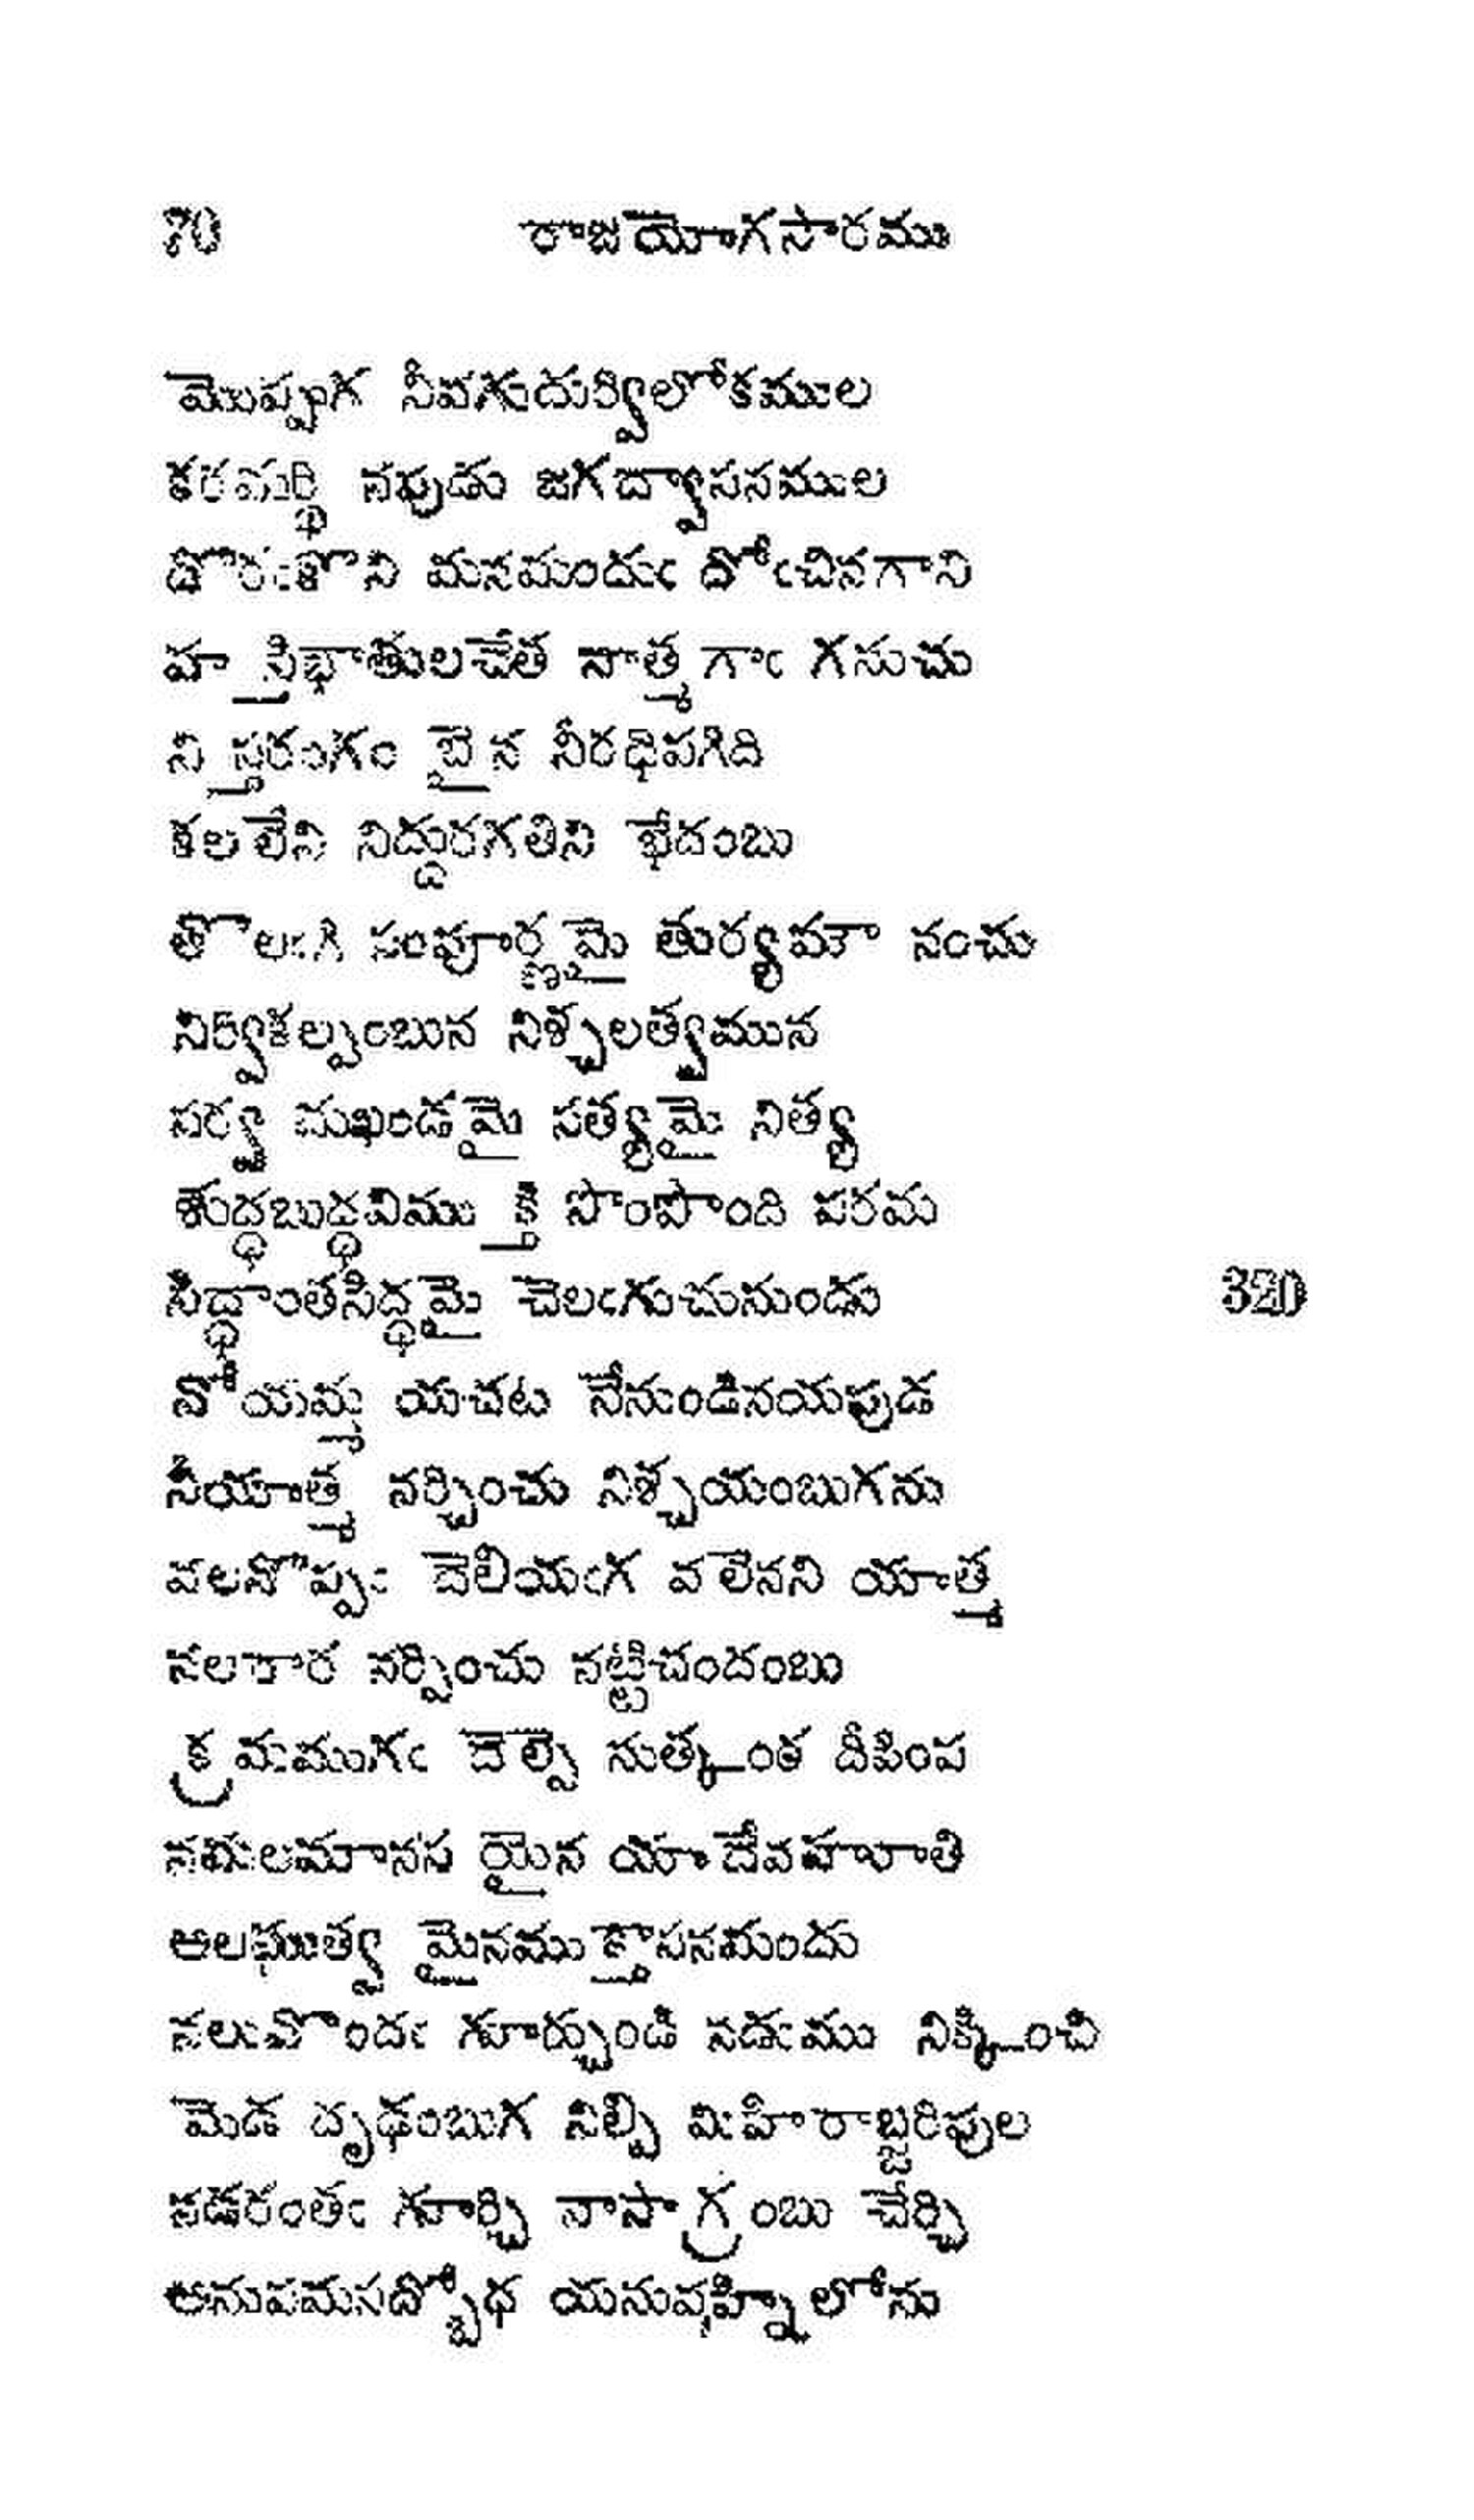మొప్పుగ నీవగుదుర్విలోకముల
కరమర్థి నపుడు జగద్వాసనముల
దొరఁకొని మనమందుఁ దోఁచినగాని
హస్తిభాతుల చేత నాత్మగాఁ గనుచు
నిస్తరంగం బైన నీరధిపగిది
కలలేని నిద్దురగతిని భేదంబు
తొలఁగి సంపూర్ణమై తుర్యమౌ నంచు
నిర్వికల్పంబున నిశ్చలత్వమున
సర్వ మఖండమై సత్యమై నిత్య
శుద్ధబుద్ధవిముక్తి సొంపొంది పరమ
సిద్ధాంతసిద్ధమై చెలఁగుచునుండు
నోయమ్మ యచట నేనుండినయపుడ
నీయాత్మ నర్చించు నిశ్చయంబుగను
వలనొప్పఁ దెలియఁగ వలెనని యాత్మ
నలరార నర్పించు నట్టిచందంబు
క్రమముగఁ దెల్పె నుత్కంఠ దీపింప
నమలమానస యైన యాదేవహూతి
అలఘుత్వ మైనముక్తాసనమందు
నలువొందఁ గూర్చుండి నడుము నిక్కించి
మెడ దృఢంబుగ నిల్పి మిహిరాబ్జరిపుల
నడరంతఁ గూర్చి నాసాగ్రంబు చేర్చి
అనుపమసద్బోధ యనువహ్నిలోను